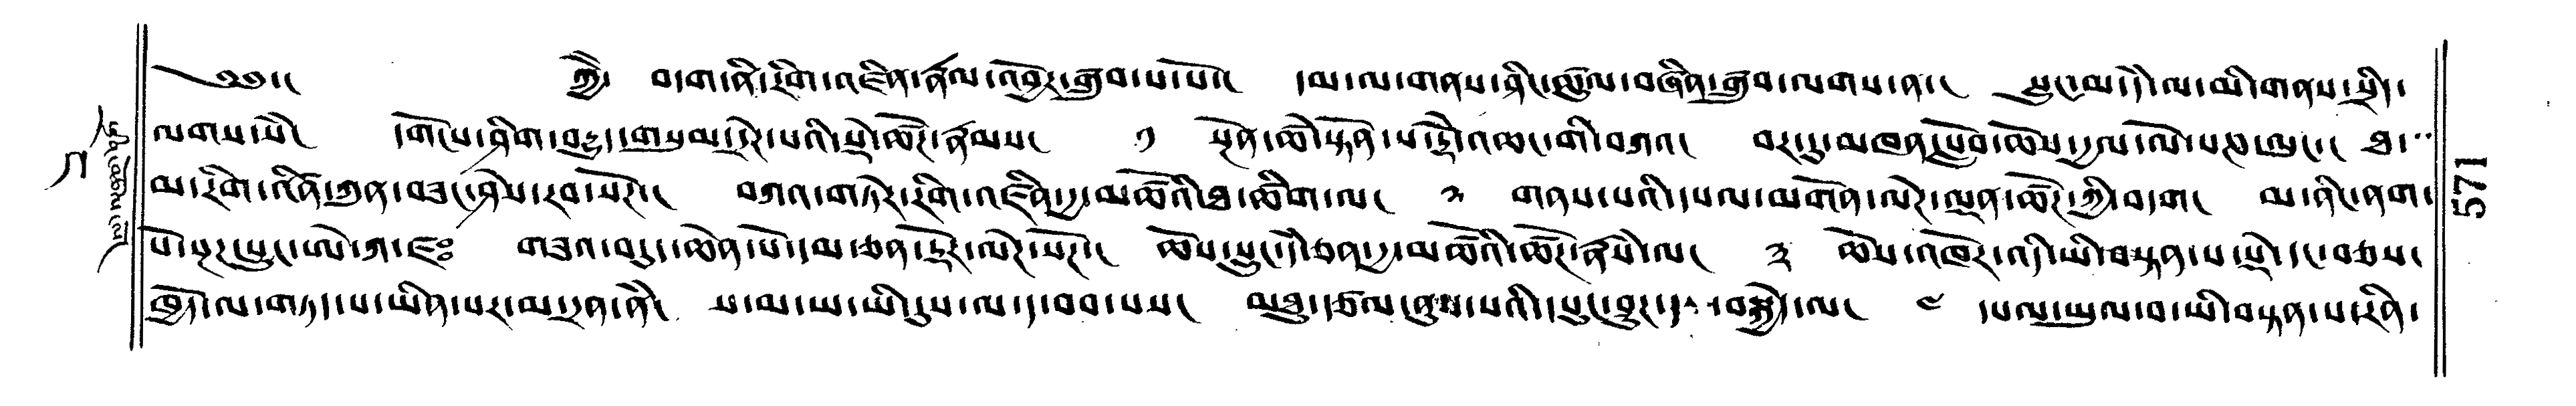ཀྱཻ། །བདག་ནི་རིག་འཛིན་རྣལ་འབྱོར་སྒྲུབ་པ་པོ། །དམ་ལ་གནས་ཤིང་ཚུལ་བཞིན་སྒྲུབ་ལགས་ན། །སྲུང་མ་དམ་ལ་མི་གནས་སྲིད་
ལགས་སམ། །དགོངས་ཤིག་བརྒྱུད་གསུམ་དྲེགས་པའི་སྡེ་ཚོགས་རྣམས། །སྔོན་ཚེ་སྟོན་པ་རྡོ་རྗེ་འཆང་གི་བཀའ། །བར་དུ་མཁན་སློབ་ཆོས་རྒྱལ་ལོ་པཎ་ལུང་། །ཐ་
མ་རིག་འཛིན་ཀུན་བཟང་ཤེས་རབ་སོགས། །བཀའ་གཏེར་རིག་འཛིན་རྒྱ་མཚོའི་ཐ་ཚིག་ལ། །གནས་པའི་དཔལ་མགོན་ལེགས་ལྡན་ཚོགས་ཀྱི་བདག། །མ་ནིང་ནག་
པོ་སྔགས་སྲུང་ཨེ་ཀ་ཛཿ གཟའ་བདུད་ཆེན་པོ་དམ་ཅན་རྡོར་ལེགས་སོགས། །ཆོས་སྲུང་དམ་ཅན་རྒྱ་མཚོའི་ཚོགས་རྣམས་ལ། །ཆོས་འཁོར་འདི་ཡི་བསྟན་པ་སྡེ་དང་བཅས། 
ཁྱོད་ལ་གཏད་པ་ཡིན་པར་མ་དྲན་ནམ། །ས་མ་ཡ་ཡི་དུས་ལ་ད་བབ་པས། །མཐུ་རྩལ་ནུས་པའི་དཔུང་ཤུགས་ད་བསྐྱེད་ལ། །དཔལ་ཡུལ་བ་ཡི་བསྟན་པ་རིན་